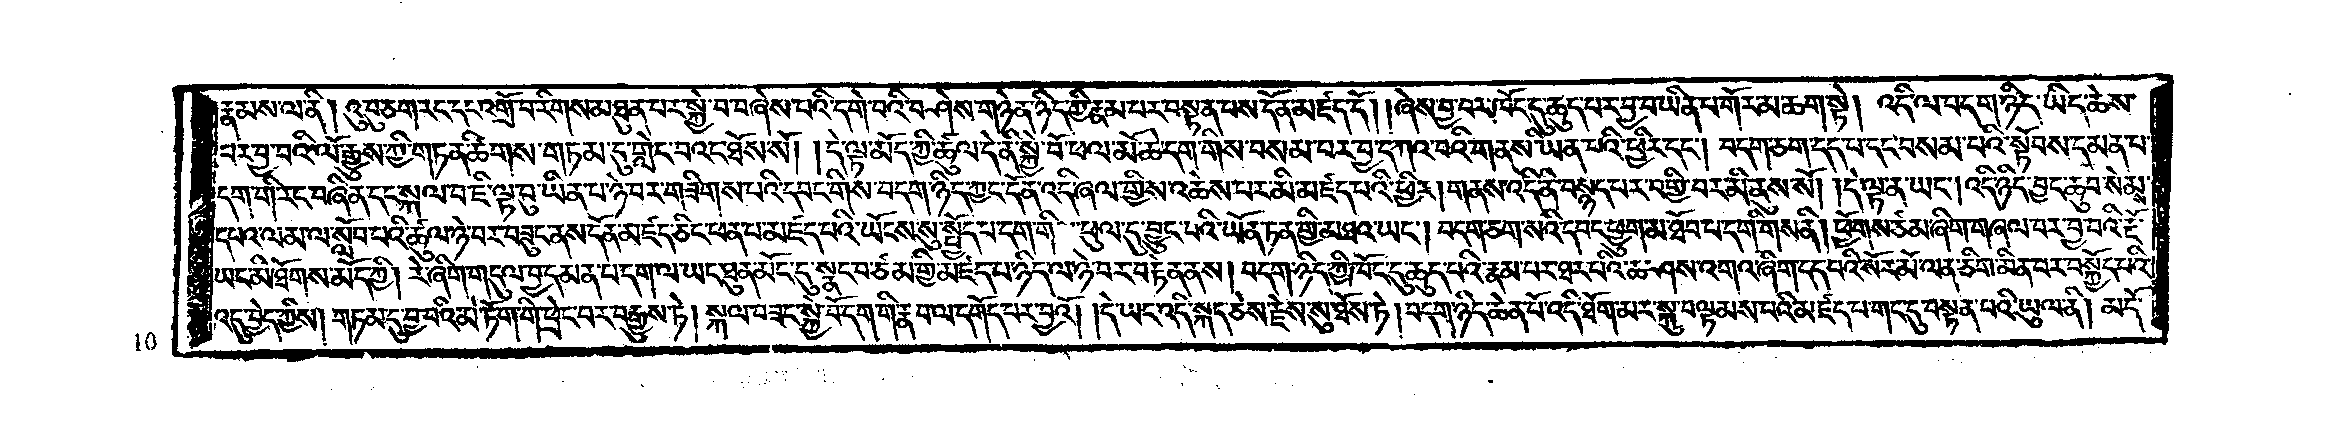རྣམས་ལ་ནི། འུ་བུ་ཅག་རང་དང་འགྲོ་བ་རིགས་མཐུན་པར་སྐྱེ་བ་བཞེས་པའི་དགེ་བའི་བཤེས་གཉེན་ཉིད་ཀྱི་རྣམ་པར་བསྟན་པས་དོན་མཛད་དོ། །ཞེས་བྱ་བར་ཁོང་དུ་ཆུད་པར་བྱ་བ་ཡིན་པ་གོར་མ་ཆག་སྟེ། འདི་ལ་བདག་ཉིད་ཡིད་ཆེས་
པར་བྱ་བའི་ལོ་རྒྱུས་ཀྱི་གཏན་ཚིགས་གཏམ་དུ་གླེང་བའང་ཐོས་སོ། །དེ་ལྟ་མོད་ཀྱི་ཚུལ་དེ་ནི་སྐྱེ་བོ་ཕལ་མོ་ཆེ་དག་གིས་བསམ་པར་བྱ་དཀའ་བའི་གནས་ཡིན་པའི་ཕྱིར་དང་། བདག་ཅག་དད་པ་དང་བསམ་པའི་སྟོབས་དམན་པ་
དག་གི་རང་བཞིན་དང་སྐལ་པ་ཇི་ལྟ་བུ་ཡིན་པ་ཉེ་བར་གཟིགས་པའི་དབང་གིས་བདག་ཉིད་ཀྱང་དོན་འདི་ཞལ་གྱིས་འཆེས་པར་མི་མཛད་པའི་ཕྱིར། གནས་འདི་ནི་བསྙད་པར་བགྱི་བར་མི་ནུས་སོ། །དེ་ལྟ་ན་ཡང་། འདི་ཉིད་བྱང་ཆུབ་སེམས་
དཔའ་ལམ་ལ་སློབ་པའི་ཚུལ་ཉེ་བར་བཟུང་ནས་དོན་མཛད་ཅིང་ཕན་པ་མཛད་པའི་ཡོངས་སུ་སྤྱོད་པ་དག་གི་ཕུལ་དུ་བྱུང་བའི་ཡོན་ཏན་གྱི་མཐའ་ཡང་། བདག་ཅག་སའི་དབང་ཕྱུག་མ་ཐོབ་པ་དག་གིས་ནི། ཕྱོགས་ཙམ་ཞིག་གཞལ་བར་བྱ་བའི་རྔོ་
ཡང་མི་ཐོགས་མོད་ཀྱི། རེ་ཞིག་གདུལ་བྱ་དམན་པ་དག་ལ་ཡང་ཐུན་མོང་དུ་སྣང་བ་ཙམ་གྱི་མཛད་པ་ཉིད་ལ་ཉེ་བར་བརྟེན་ནས། བདག་ཉིད་ཀྱི་ཁོང་དུ་ཆུད་པའི་རྣམ་པར་ཐར་པའི་ཆ་ཤས་འགའ་ཞིག་དང་པའི་སོར་མོ་ལན་ཅིག་མིན་པར་བསྐྱོད་པའི་
འདུ་བྱེད་ཀྱིས། །གཏམ་དུ་བྱ་བའི་མེ་ཏོག་གི་ཕྲེང་བར་བརྒྱུས་ཏེ། སྐལ་བཟང་སྐྱེ་བོ་དག་གི་རྣ་བ་ལ་དགོད་པར་བྱའོ། །དེ་ཡང་འདི་སྐད་ཅེས་རྗེས་སུ་ཐོས་ཏེ། བདག་ཉིད་ཆེན་པོ་འདི་ཐོག་མར་སྐུ་བལྟམས་པའི་མཛད་པ་གང་དུ་བསྟན་པའི་ཡུལ་ནི། མདོ་